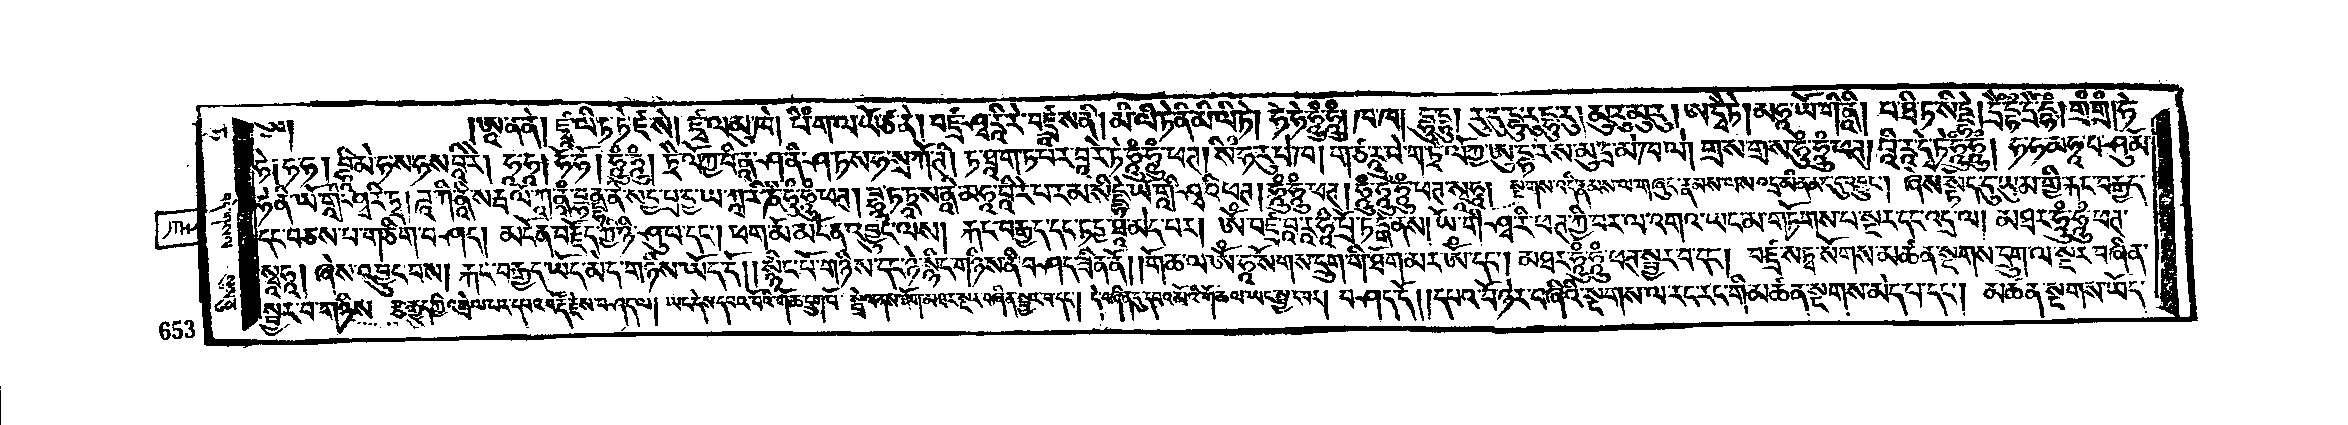༄༅། །ཨཱ་ན་ནེ། ཛྭཱ་ལི་ཏ་ཏེ་ཛ་སེ། ཛྭ་ལ་མུ་ཁེ། བཾ་ག་ལ་ལོ་ཙ་ནེ། བཛྲ་ཤྭ་རཱི་རེ་བཛཱ་ས་ནི། མི་ལི་ཏེ་ནི་མི་ལི་ཏེ། ཧེ་ཧེ་ཧཱུཾ་ཧཱུཾ། ཁ་ཁ། དྷུ་དྷུ། རུ་རུ་དྷུ་རུ་དྷུ་རུ། མུ་རུ་མུ་རུ། ཨ་དྲཻ་ཏེ། མཧཱ་ཡོ་གི་ནཱི། པ་ཐི་ཏ་སིདྡྷེ། དྲཻཾ་དྷཾ་དྲཻ་དྷཾ། གྲཾ་གྲཾ། ཧེ་
ཧེ། ཧ་ཧ། བྷཱི་མེ་ཧ་ས་ཧ་ས་བཱི་རེ། ཧཱ་ཧཱ། ཧོ་ཧོ། ཧཱུཾ་ཧཱུཾ། ཏྲཻ་ལོཀྱ་བི་ནཱ་ཤ་ནི་ཤ་ཏ་ས་ཧ་སྲ་ཀོ་ཊི། ཏ་ཐཱ་ག་ཏ་པ་ར་བཱ་རེ་ཏེ་ཧཱུཾ་ཧཱུཾ་ཕཊ། སིཾ་ཧ་རུ་པེ་ཁ། ག་ཙ་རཱ་པེ་ག་ཏྲེ་ལོ་ཀྱ་ཨུ་དྷ་རས་མུ་ད་མེ་ཁ་ལེ། གྲས་གྲས་ཧུཾ་ཧཱུཾ་ཕཊ། བཱི་རཱ་དེ་ཏེ་ཧཱུཾ་ཧཱུཾ། ཧ་ཧ་མཧཱ་བཤུ་མོ་
ཧེ་ནི་ཡོ་གླི་ཤྭ་རི་ཏྭ། ཌཱ་ཀི་ནཱི་སརྦ་ལཾ་ཀླ་ནཱཾ་བྷ་ནྡྷ་ནི་སདྱ་པྲ་དྱ་ཡ་ཀླ་རི་ཎི་ཧུཾ་ཧཱཱུམ་ཕགས་བཱུཾ་ཏ་ཏྲཱ་ས་ནཱི་མཧཱ་བཱི་རེ་པ་ར་མ་སིདྡྷེ་ཡོ་གླི་ཤྭ་རེ་ཕགས། ཧཱུམ་ཧཱུཾ་ཕགས། ཧཱུཾ་ཧཱུཾ་ཧཱུཾ་ཕགས་སྭཱ་ཧཱ། སྔགས་འདི་རྣམས་ལ་གཞུང་རྣམས་ལས་འདྲ་མིན་མང་དུ་འགྱུར།  ཞེས་སྟོད་དུ་ཡུམ་གྱི་རྐང་བརྒྱད་
དང་བཅས་པ་གཅིག་བཤད། མངོན་བརྗོད་ཀྱི་ཉི་ཤུ་བ་དང་། ཕག་མོ་མངོན་འབྱུང་ལས། རྐང་བརྒྱད་དང་ཏ་དྱ་ཐཱ་མེད་པར། ཨོཾ་བཛྲ་བཱ་རཱ་ཧཱི་པྲོ་ཏངྒེ་ནས། ཡོ་གི་ཤྭ་རི་ཕཊ་ཀྱི་བར་ལ་འགའ་ཡང་མ་གཏོགས་པ་སྔར་དང་འདྲ་ལ། མཐར་ཧཱུཾ་ཧཱུཾ་ཕཊ་
སྭཱཧཱ། ཞེས་འབྱུང་བས། རྐང་བརྒྱད་ཡོད་མེད་གཉིས་ཡོད་དོ། །སྙིང་པོ་གཉིས་དང་ཉེ་སྙིང་གཉིས་ནི་བཤད་ཟིན་ནོ། །གོ་ཆ་ལ་ཨོཾ་ཧཱ་སོགས་དྲུག་གི་ཐོག་མར་ཨོཾ་དང་། མཐར་ཧཱུཾ་ཧཱུཾ་ཕཊ་སྦྱར་བ་དང་། བཛྲ་སཏྭ་སོགས་མཚན་སྔགས་དྲུག་ལ་སྔར་བཞིན་
སྦྱར་བ་གཉིས་རྩ་རྒྱུད་ཀྱི་འགྲེལ་བར་དཔའ་བོ་རྡོ་རྗེས་བཤད་ལ། ཡང་དེས་དཔའ་བོའི་གོ་ཆ་དྲུག་པོ་སྒྲེལ་ནས་ཐོག་མཐར་སྔར་བཞིན་སྦྱར་བ་དང་། དེ་བཞིན་དུ་དཔའ་མོའི་གོ་ཆ་ལ་ཡང་སྦྱར་བར།  བཤད་དོ། །དཔའ་བོ་ཉེར་བཞིའི་སྔགས་ལ་རང་རང་གི་མཚན་སྔགས་མེད་པ་དང་། མཚན་སྔགས་ཡོད་